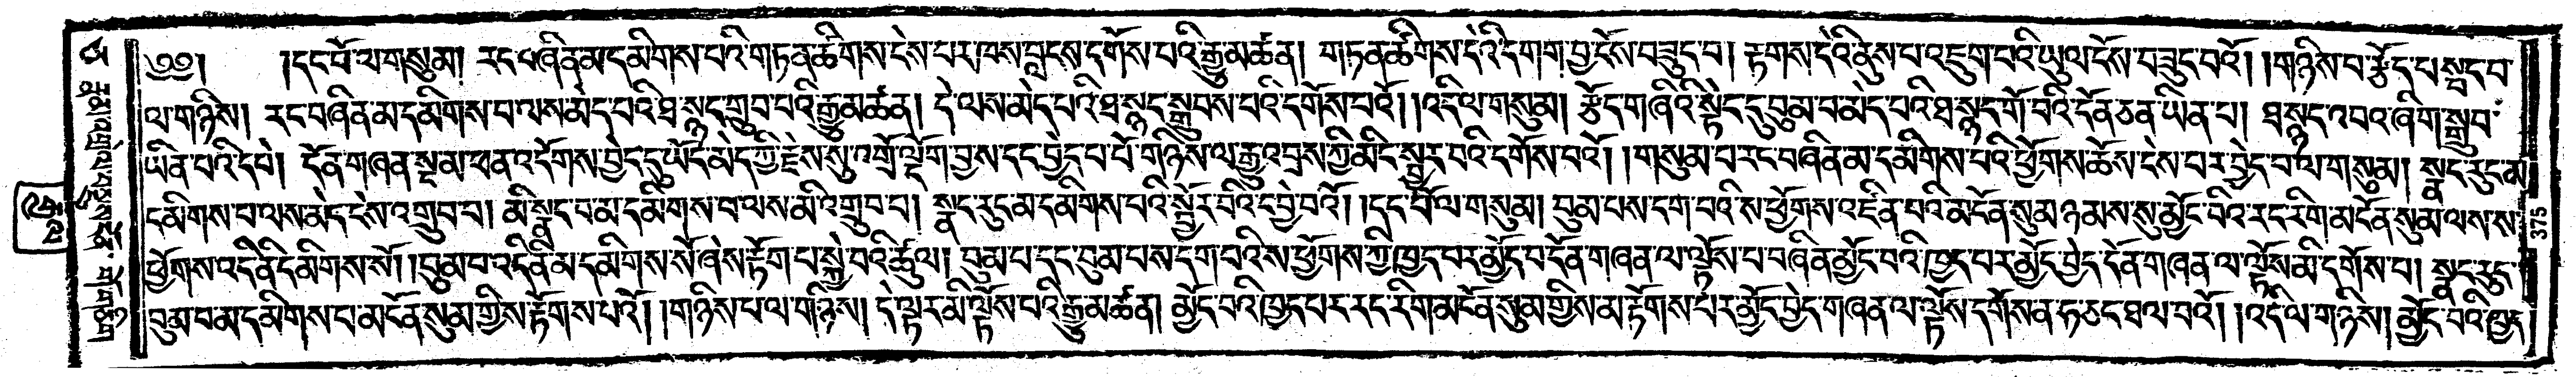༄༅། །དང་པོ་ལ་གསུམ། རང་བཞིན་མ་དམིགས་པའི་གཏན་ཚིགས་ངེས་པར་ཁས་བླངས་དགོས་པའི་རྒྱུ་མཚན། གཏན་ཚིགས་དེའི་དགག་བྱ་ངོས་བཟུང་བ། རྟགས་དེའི་ནུས་པ་འཇུག་པའི་ཡུལ་ངོས་བཟུང་བའོ། །གཉིས་པ་རྩོད་པ་སྤང་བ་
ལ་གཉིས། རང་བཞིན་མ་དམིགས་པ་ལས་མེད་པའི་ཐ་སྙད་གྲུབ་པའི་རྒྱུ་མཚན། དེ་ལས་མེད་པའི་ཐ་སྙད་སྒྲུབས་པའི་དགོས་པའོ། །འདི་ལ་གསུམ། རྩོད་གཞིའི་སྟེང་དུ་བུམ་པ་མེད་པའི་ཐ་སྙད་གོ་བའི་དོན་ཅན་ཡིན་པ། ཐ་སྙད་འབའ་ཞིག་སྒྲུབ་
ཡིན་པའི་དཔེ། དོན་གཞན་སྔ་མ་ཕན་འདོགས་བྱེད་དུ་ཡོད་མེད་ཀྱི་རྗེས་སུ་འགྲོ་ལྡོག་བྱ་ས་དང་བྱེད་པ་པོ་གཉིས་ལ་རྒྱུ་འབྲས་ཀྱི་མིང་སྦྱར་བའི་དགོས་པའོ། །གསུམ་པ་རང་བཞིན་མ་དམིགས་པའི་ཕྱོགས་ཆོས་ངེས་པར་བྱེད་པ་ལ་གསུམ། སྣང་རུང་མ་
དམིགས་པ་ལས་མེད་ངེས་འགྲུབ་པ། མི་སྣང་བ་མ་དམིགས་པ་ལས་མི་འགྲུབ་པ། སྣང་རུང་མ་དམིགས་པའི་སྦྱོར་བའི་དབྱེ་བའོ། །དང་པོ་ལ་གསུམ། བུམ་པས་དག་པའི་ས་ཕྱོགས་འཛིན་པའི་མངོན་སུམ་ཉམས་སུ་མྱོང་བའི་རང་རིག་མངོན་སུམ་ལས་ས་
ཕྱོགས་འདི་ནི་དམིགས་སོ། །བུམ་པ་འདི་ནི་མ་དམིགས་སོ་ཞེས་རྟོག་པ་སྐྱེ་བའི་ཚུལ། བུམ་པ་དང་བུམ་པས་དག་པའི་ས་ཕྱོགས་ཀྱི་ཁྱད་པར་མྱོང་བ་དོན་གཞན་ལ་ལྟོས་པ་བཞིན་མྱོང་བའི་ཁྱད་པར་མྱོང་བྱེད་དོན་གཞན་ལ་ལྟོས་མི་དགོས་པ། སྣང་རུང་
བུམ་པ་མ་དམིགས་པ་མངོན་སུམ་གྱིས་རྟོགས་པའོ། །གཉིས་པ་ལ་གཉིས། དེ་ལྟར་མི་ལྟོས་པའི་རྒྱུ་མཚན། མྱོང་བའི་ཁྱད་པར་རང་རིག་མངོན་སུམ་གྱིས་མ་རྟོགས་པར་མྱོང་བྱེད་གཞན་ལ་ལྟོས་དགོས་ན་ཧ་ཅང་ཐལ་བའོ། །འདི་ལ་གཉིས། མྱོང་བའི་ཁྱད་